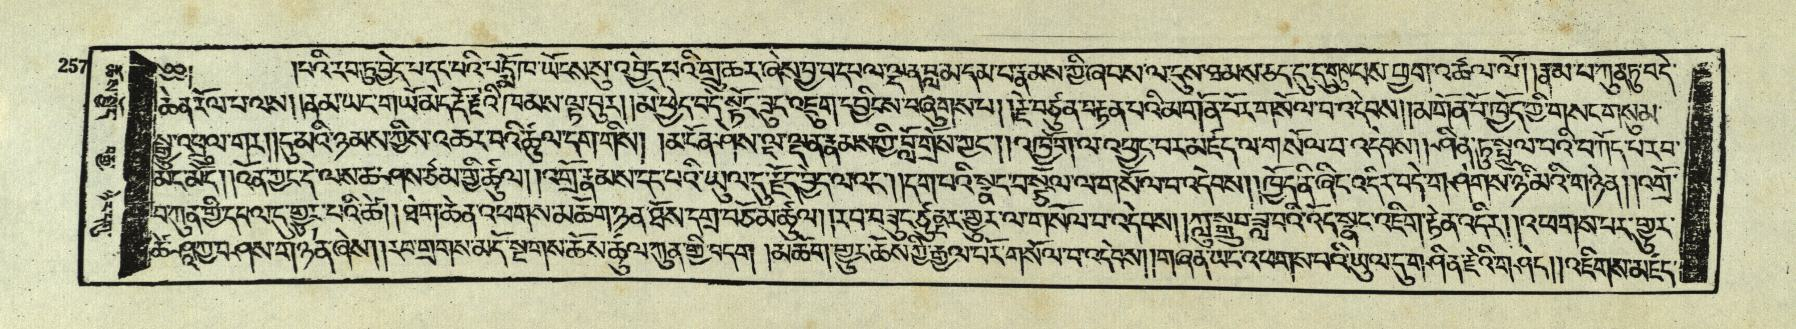༄༅། །པའི་རབ་ཏུ་བྱེད་པ་དང་པའི་པདམོ་ཁ་ཡོངས་སུ་འབྱེད་པའི་གྲུ་ཆར་ཞེས་བྱ་བ་དཔལ་ལྡན་བླ་མ་དམ་པ་རྣམས་ཀྱི་ཞབས་ལ་དུས་ཐམས་ཅད་དུ་དུ་གུས་པས་ཕྱག་འཚལ་ལོ། །རྣམ་པ་ཀུན་ཏུ་བདེ་
ཆེན་རོལ་པ་ལས། །ནམ་ཡང་གཡོ་མེད་རྡོ་རྗེའི་ཁམས་ལྟ་བུར། །མེ་ཕྱེད་བདེ་སྟོང་ཟུང་འཇུག་དབྱིངས་བཞུགས་པ། །རྗེ་བཙུན་བརྟན་པའི་མགོན་པོར་གསོལ་བ་འདེབས། །མགོན་པོ་ཁྱོད་ཀྱི་གསང་གསུམ་
སྒྱུ་འཕྲུལ་གར། །དུ་མའི་ཉམས་ཀྱིས་འཆར་བའི་ཚུལ་དག་གིས། །མངོན་ཤེས་ལྡ་ལྡན་རྣམས་ཀྱི་བློ་གྲོས་ཀྱང་། །འཁྱོག་ལ་འཕྱང་བར་མཛད་ལ་གསོལ་བ་འདེབས། །ཤིན་ཏུ་སྤྲུལ་པའི་བཀོད་པ་རབ་
མང་མོད། །འོན་ཀྱང་དེ་ལས་ཆ་ཤས་ཙམ་གྱི་ཚུལ། །འགྲོ་རྣམས་དང་པའི་ཡུལ་དུ་རྗོད་བྱེད་ལའང་། །དག་པའི་སྣང་བ་སྩོལ་ལ་གསོལ་བ་འདེབས། །ཁྱོད་ནི་ཞིང་འདིར་བདེ་གཤེགས་ཉི་མའི་གཉེན། །འགྲོ་
བ་ཀུན་གྱི་དཔལ་དུ་གྱུར་པའི་ཚེ། །ཐེག་ཆེན་འཕགས་མཆོག་ཉན་ཐོས་དགྲ་བཅོམ་ཚུལ། །རབ་བཟུང་ཙུནྡར་གྱུར་ལ་གསོལ་བ་འདེབས། །ཀླུ་སྒྲུབ་ཟླ་བའི་འོད་སྣང་འཇིག་རྟེན་འདིར། །འཕགས་པར་གྱུར་
ཚེ་ཤཱཀྱ་བཤས་གཉེན་ཞེས། །རབ་གྲགས་མདོ་སྔགས་ཆོས་ཚུལ་ཀུན་གྱི་བདག །མཆོག་གྱུར་ཆོས་ཀྱི་རྒྱལ་པོར་གསོལ་བ་འདེབས། །གཞན་ཡང་འཕགས་པའི་ཡུལ་དུ་གཤིན་རྗེའི་གཤེད། །འཇིགས་མཛད་